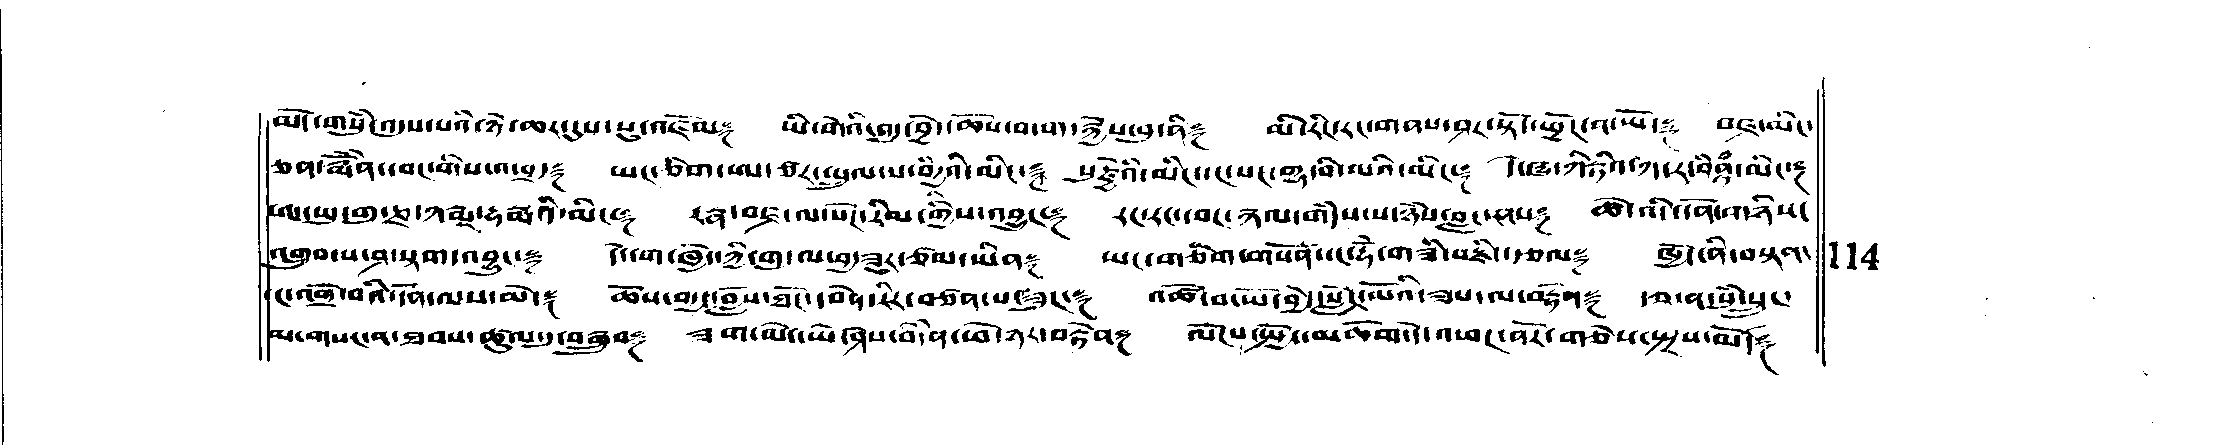།མདོ་གསུམ་འདུས་པའི་ཉེ་ཆར་དུས་སུ་འཛོམ། །ཡི་གེའི་འདུ་བྱེད་ཆོས་བདག་སྐྱེས་བུ་ནི། །མི་རིང་རང་གནས་ཤར་སྟོད་ཕྱོགས་ན་ཡོད། །བཛྲ་མིང་
ཅན་སྨོན་ལམ་དབང་གིས་འཕྲད། །ཡང་ཅིག་ཨ་ཙར་སྤྲུལ་པ་བིར་ཡཱའི་༼བིདྱའི་?༽མིང་། །པུར་ཎྱའི་༼པུཛྱེའི་?༽མིང་དང་སང་གྷ་བི་མའི་མིང་། །དེ་ཝ་ཀིརྟའི་ཀ་ར་ཤིནྟཾ་མིང་། །
ཨ་ཡུ་གུ་ཎ་ཀརྨཱ་དྷརྨའི་མིང་། །རཏྣ་བཛྲ་ལ་སོགས་རིམ་གྱིས་འབྱུང་། །རང་རང་དབང་སྐལ་གདམས་པ་ཉམས་བླང་ནས། །ཚེ་འདི་དོན་གཉིས་
འགྲུབ་པ་ཤ་སྟག་འབྱུང་། །དེ་དག་ཁྱེད་ཀྱི་གདུལ་བྱ་ཟུར་ཙམ་ཡིན། །ཡང་གཅིག་གསོན་དང་རྡོ་རྗེ་གཟི་བརྗིད་རྩལ། ཁྱོད་ནི་བསྟན་
དང་འགྲོ་བའི་དོན་ལས་མེད། །ཆོས་བརྒྱད་བློས་ཐོངས་དབེན་རིར་བཙན་ས་ཟུང་། །འཚོ་བ་ཡོ་བྱེད་སློང་མོའི་ཟས་ལ་བརྟེན། ༼།རྩ་ན་?༽སུམ་སྲུང་
མ་གསང་ན་ཐབས་ཚུལ་དུ་བསྒྲུབ། །ཟག་མེད་ཡེ་ཤེས་བདེ་ཆེན་ཕོ་ཉར་བརྟེན། །ལོངས་སྤྱོད་མཆོག་དེ་འཕགས་ནོར་གཅེས་སྤྲས་མཛོད།